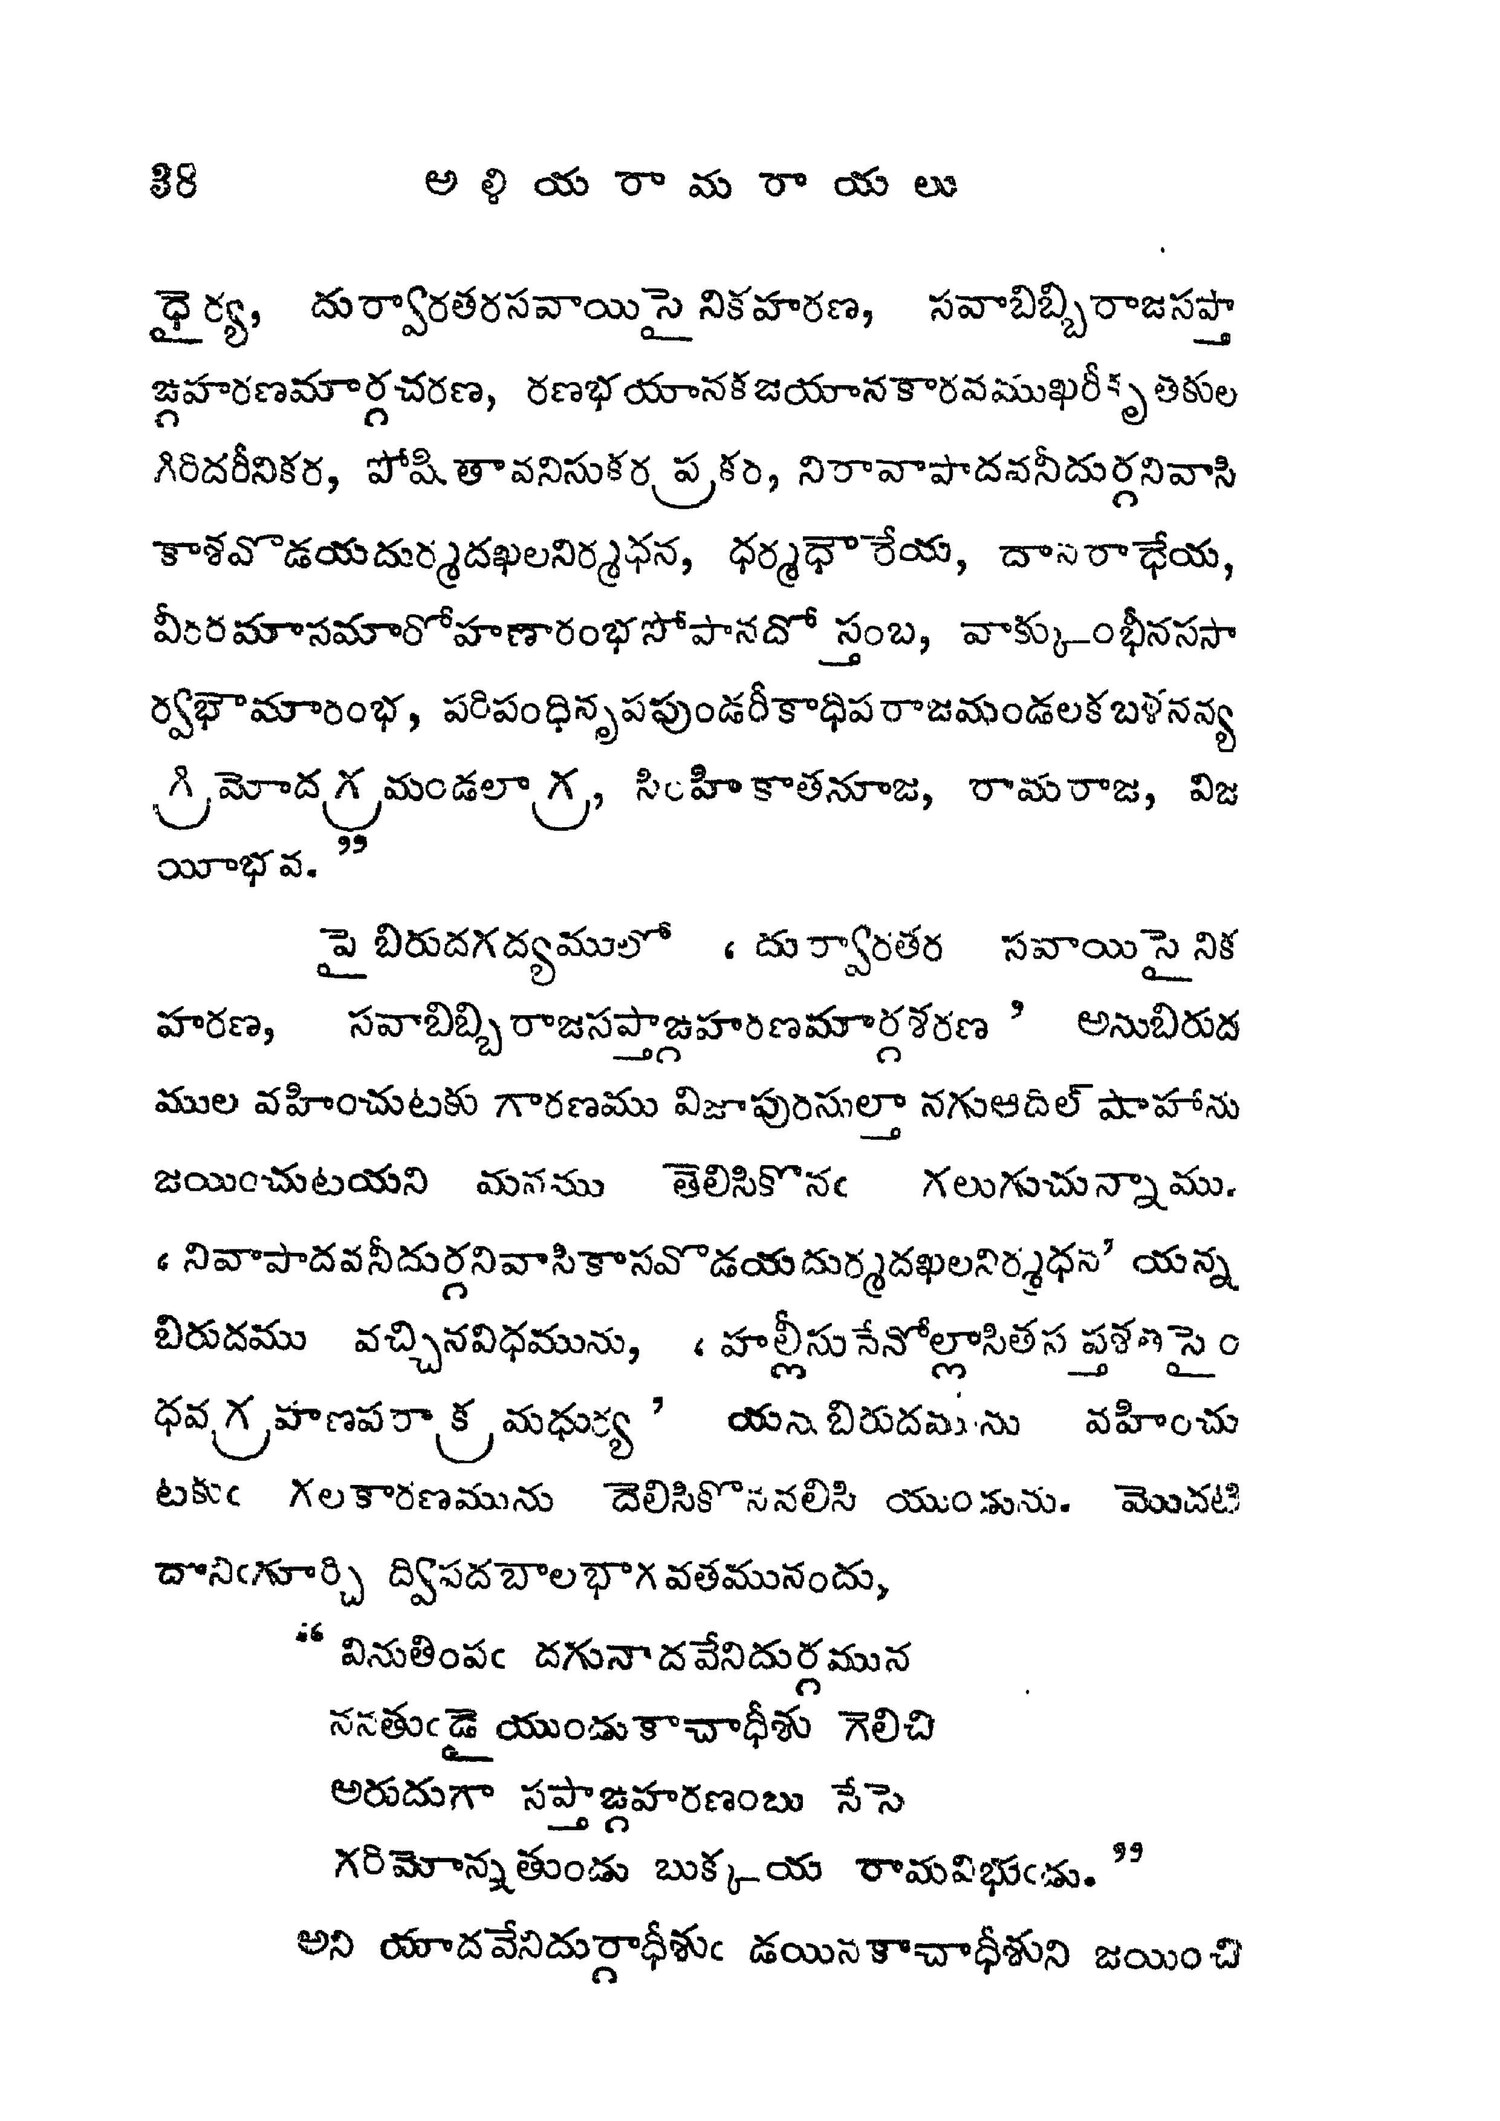ధైర్య, దుర్వారతరసవాయిసైనికహరణ, నవాబిబ్బిరాజసప్తాఙ్గహరణమార్గచరణ, రణభయానక ఙయానకారవముఖరీకృతకుల గిరిదరీనికర, పోషితావనిసురకరప్రకర, నిరావాపాదవనీదుర్గనివాసి కాశవొడయదుర్మదఖలనిర్మధన, ధర్మధౌరేయ, దానరాధేయ, వీరరమానమారోహణారంభ సోపానదోస్తంబ, వాక్కుంభీనససార్వభౌమారంభ, పరిపంధినృపపుండరీకాధిపరాజ మండలకబళనవ్య గ్రిమోదగ్రమండలాగ్ర, సింహికాతనూజ, రామరాజ, విజయీభవ."

పైబిరుదగద్యములో 'దుర్వారతర సవాయిసైనికహరణ, సవాబిబ్బిరాజసప్తాఙ్గహరణమార్గశరణ' అనుబిరుదముల వహించుటకు గారణము విజాపురసుల్తానగుఆదిల్‌షాహాను జయించుటయని మనము తెలిసికొన గలుగుచున్నాము. 'నివాపాదవనీదుర్గనివాసి కానవొడయదుర్మదఖిలనిర్మధన' యన్న బిరుదము వచ్చినవిధమును, 'హల్లీసుసేనోల్లాసితసప్తశతసైంధవగ్రహణపరాక్రమధుర్య' యను బిరుదమును వహించుటకు గలకారణమును దెలిసికొనవలిసి యుండును. మొదటిదానిగూర్చి ద్విపదబాలభాగవతమునందు,

 "వినుతింప దగునాదవేనిదుర్గమున
 ననతుడై యుండుకాచాధీశు గెలిచి
 అరుదుగా సప్తాఙ్గహరణంబు సేసె
 గరిమోన్నతుండు బుక్కయ రామవిభుడు."

 అని యాదవేనిదుర్గాధీశు డయినకాచాధీశుని జయించి